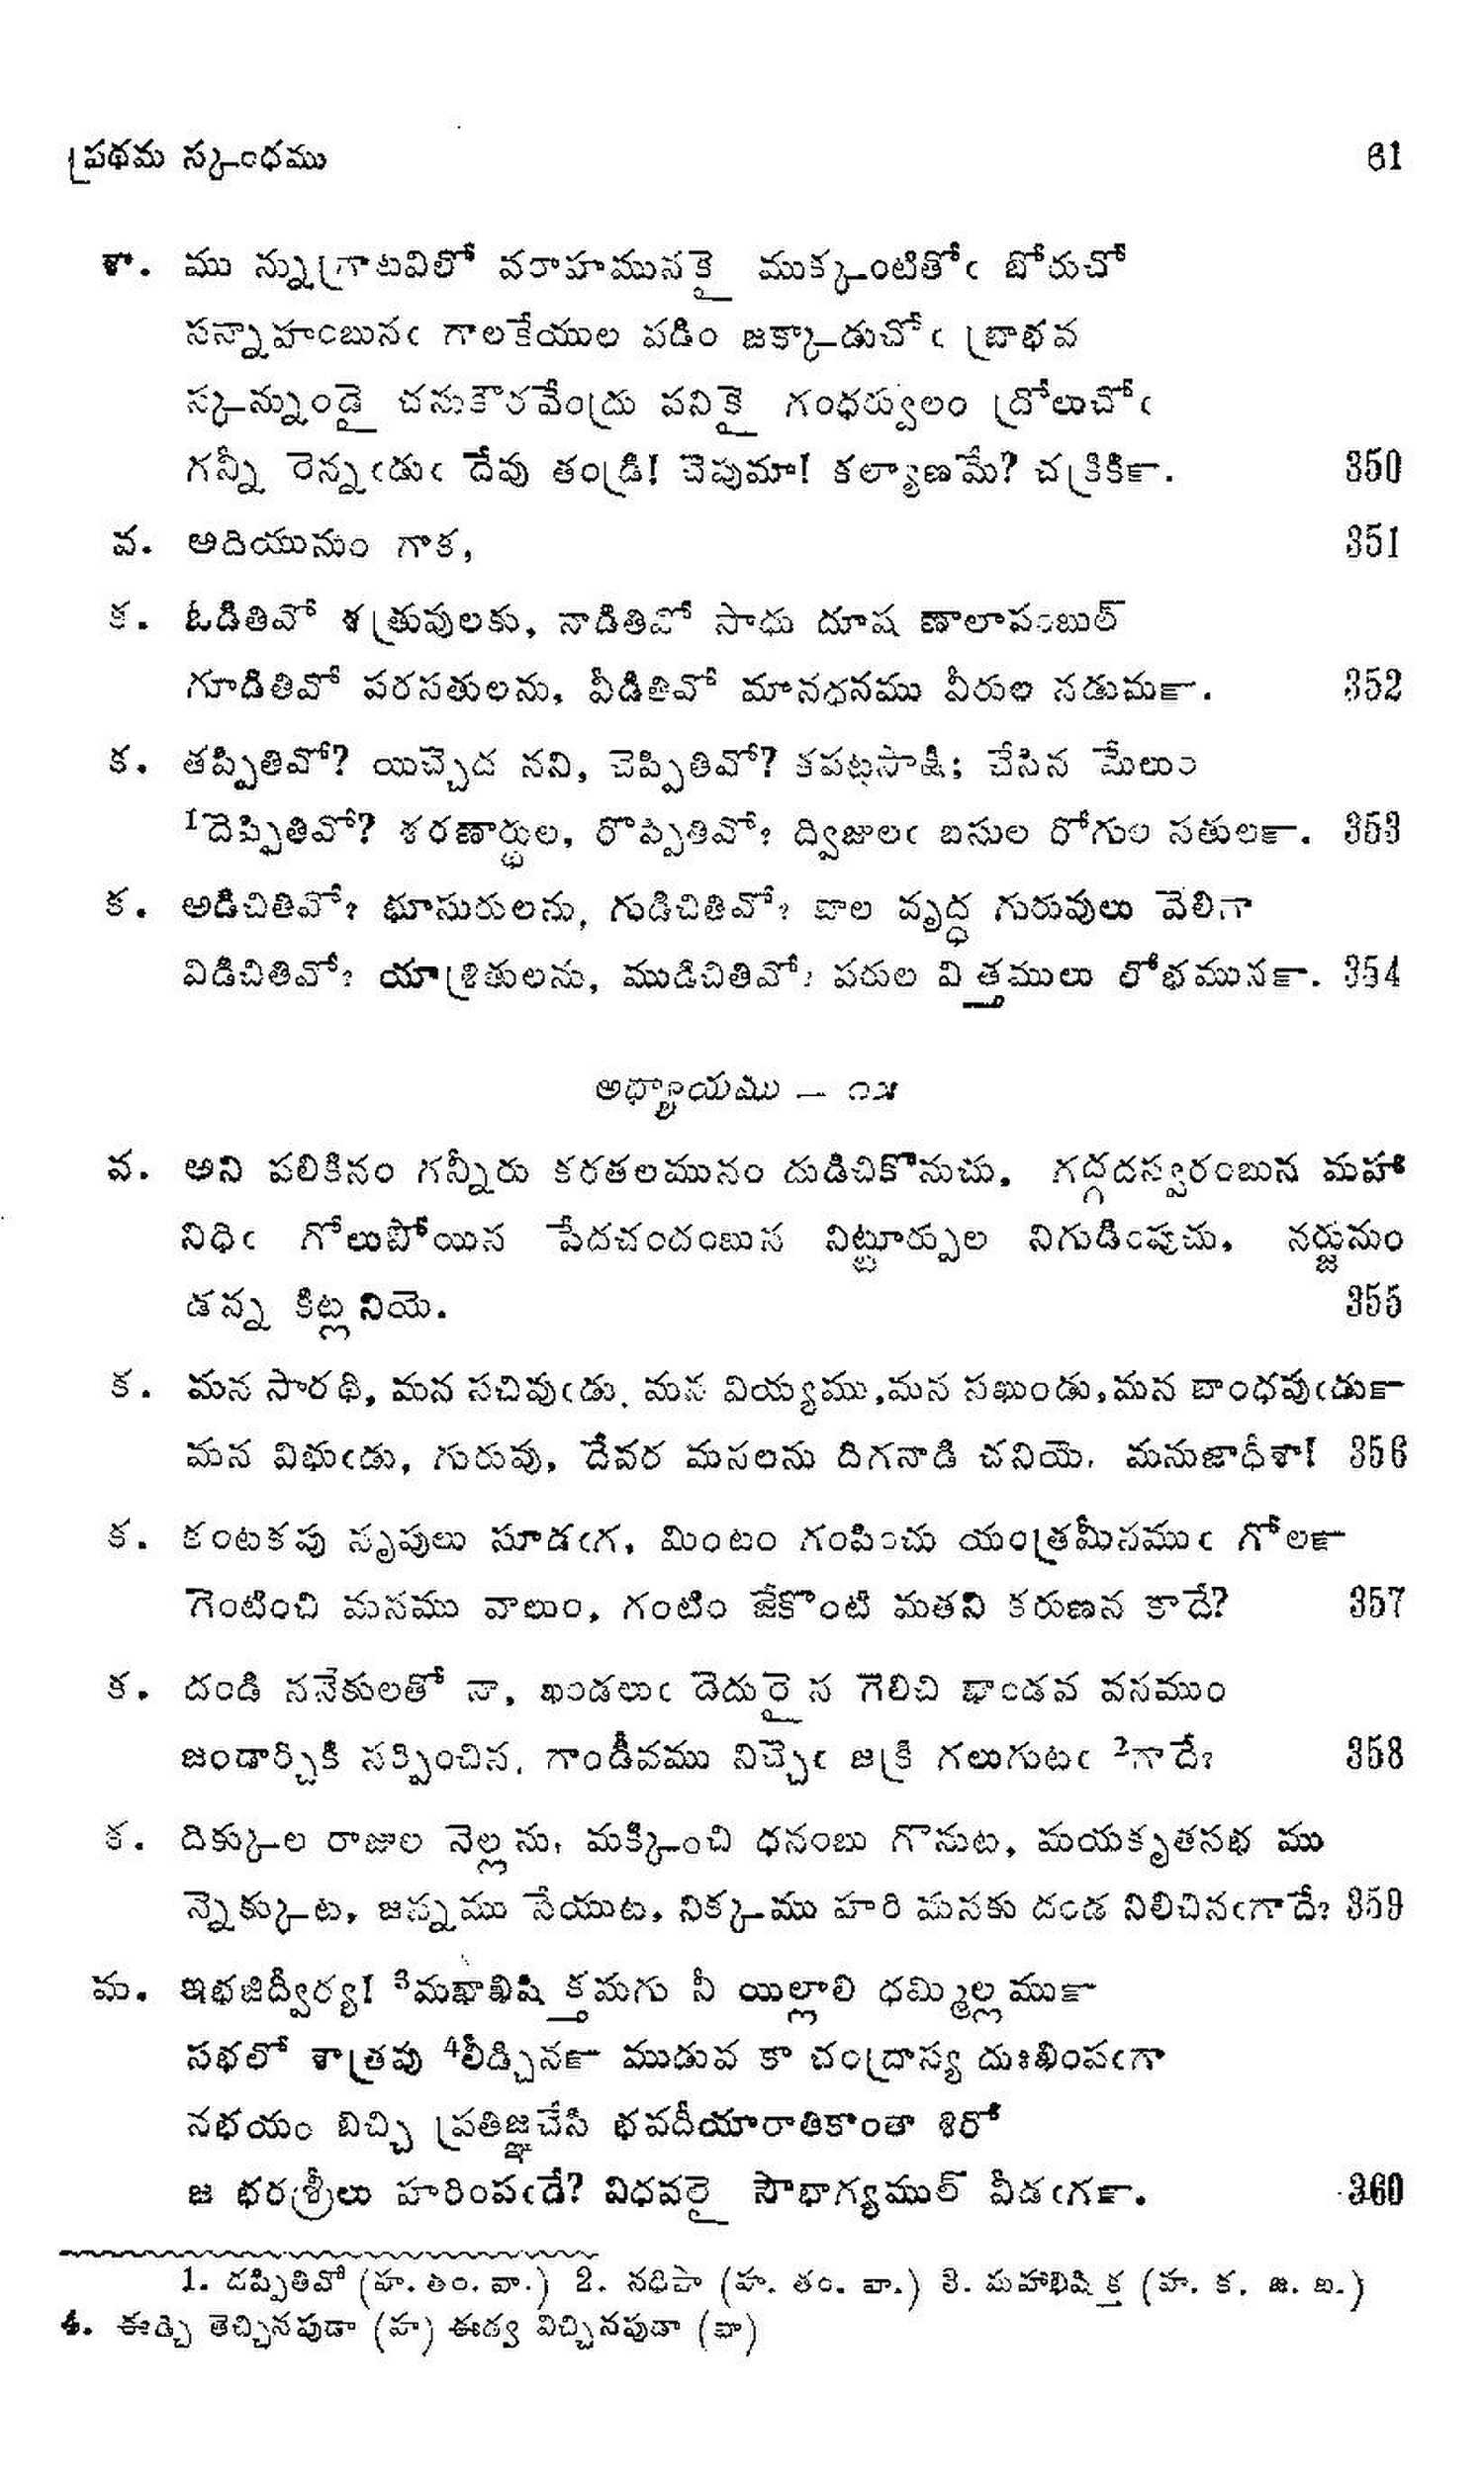61

శా. మున్నుగ్రాటవిలో వరాహమునకై ముక్కంటితోఁ బోరుచో

సన్నాహంబునఁ గాలకేయుల వడిం బక్కాడుచోఁ బ్రాభవ

స్కన్నుండై చనుకౌరవేంద్రు పనికై గంధర్వులం ద్రోలుచోఁ 

గన్నీ రెన్నఁ డుఁ దేవు తండ్రి ! చెపుమా ! కల్యాణమే ? చక్రికిన్. (350)

వ. అదియునుం గాక. (351)

క. ఓడితివో శత్రువులకు, నాడితివో సాధు దూష ణాలాపంబుల్

గూడితివో పరసతులను, వీడితివో మానధనము వీరుల నడుమన్. (352)

క. తప్పితివో ? యిచ్చెద నని, చెప్పితివో ? కపటసాక్షి, చేసిన మేలుం 

దెప్పితివో ? శరణార్థుల, రొప్పితివో ! ద్విజులఁ బసుల రోగుల సతులన్. (353)

క. అడిచితివో ?భూసురులనఁ గుడిచితివో ? బాల వృద్ద గురువిలు వెలిగా

విడిచితివో ? యాశ్రితులను, ముడిచితివో ? పరల విత్తములు లోభమునన్. (354)
 

వ. అని పలికినం గన్నీరు కరతలమునం దుడిచికొనుచు, గద్గదస్వరంబున మహానిధిఁ గోలుపోయిన పేదచందంబున నిట్టూర్పుల నిగుడింపుచు, నర్జునుండన్న కిట్లనియె. (355)

క. మనసారథి, మన సచివుడు మన వియ్యము, మన సఖుండు, మన బాంధవుఁడున్

మన విభుఁడు, గురువు, దేవర మనలను దిగనాడి చనియె, మనజాధీశా ! (356)

క. కంటకపు నృపులు సూడఁగ మింటం గంపించు యంత్రమీనముఁ గోలన్

గెంటించి మనము వాలుం, గంటిం జేకొంటి మతని కరణన కాదే ! (357)

క. దండి ననేకులతో నా, ఖండలుఁ డెదురైన గెలిచి భాండవ వనముం

జండార్చికి నర్పించిన, గాండీవము నిచ్చెఁ జక్రి గలుగుటఁ గాదే ? (358)

క. దిక్కుల రాజుల నెల్లను, మక్కించి ధ్నంబు గొనుట, మయకృతసభ ము

న్నెక్కుట, జన్నము సేయుట, నిక్కము హరి మనకు దండ నిలిచినఁగాదే ? (359 )

మ. ఇభజిద్వీర్య ! మఖాభిషిక్తమగు నీ యుల్లాలి ధమ్మిల్లమున్

సభలో శాత్రవు లీడ్చినన్ ముడువ కా చంద్రాస్య దుఃఖింపఁగా

నభయం బిచ్చి ప్రతిజ్ఞచేసి భవదీయారాతికాంతా శిరో

జ భరశ్రీలు హరింపఁడే ? విధవలై సౌభాగ్యముల్ వీడఁగన్. (360)